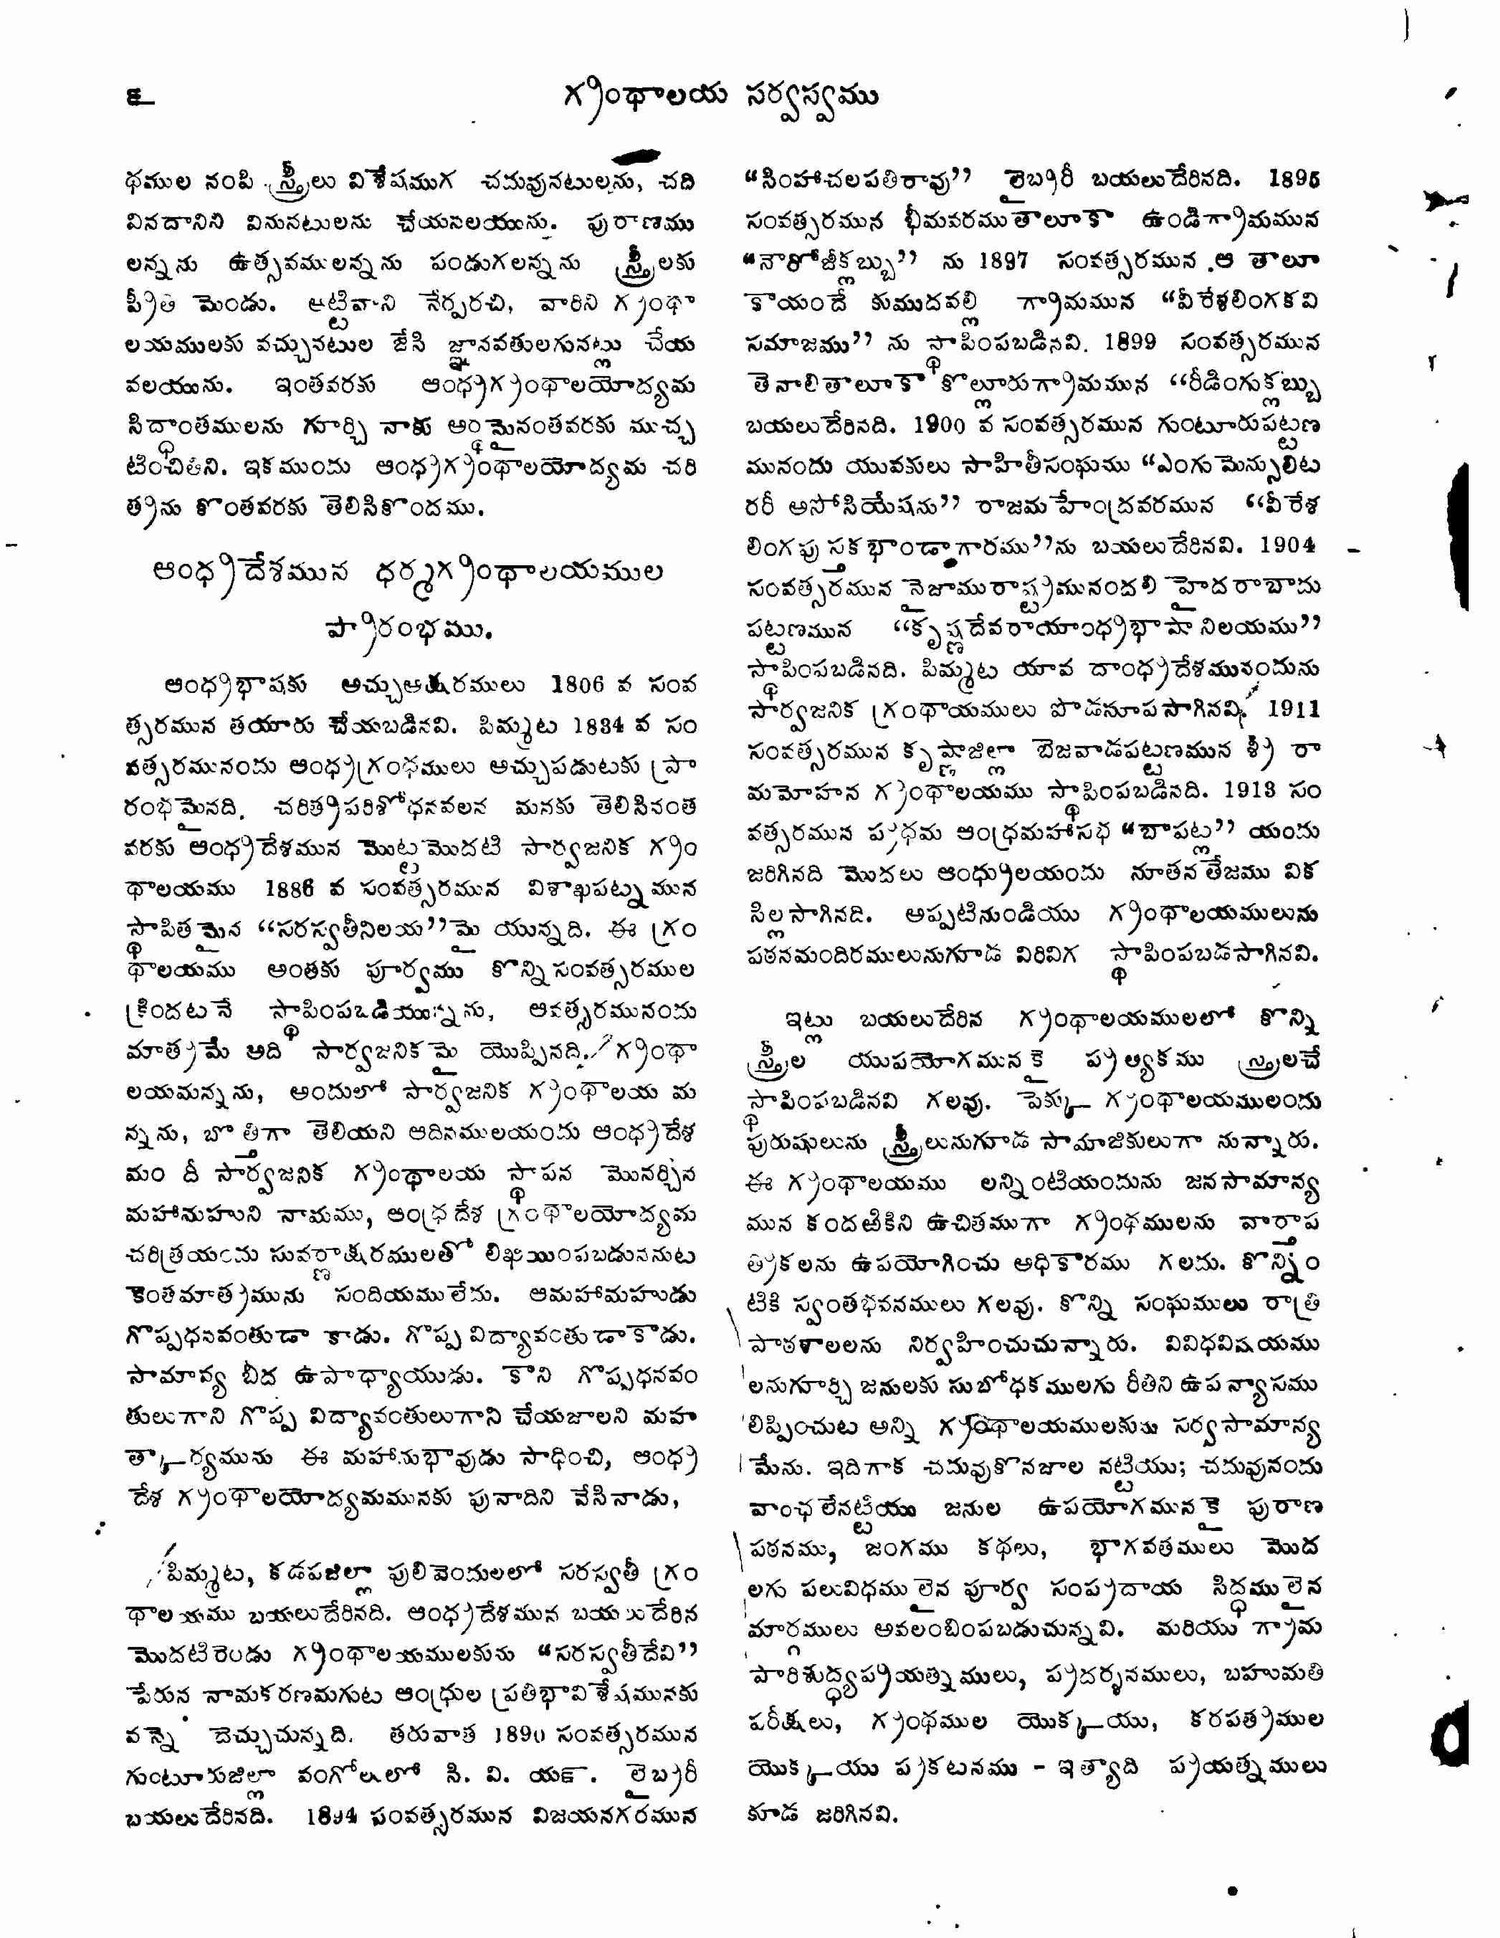ధముల నంపి స్త్రీలు విశేషముగ చదువునటులను, చదివినదానిని వినునటులను చేయవలయును. పురాణము లన్నను ఉత్సవములన్నను పండుగలన్నను స్త్రీలకు ప్రితి మెండు. ఆట్టివాని నేర్పరచి, వారిని గ్రంథాలయములకు వచ్చునటుల జేసి జ్ఞానవతులగునట్లు చేయవలయును. ఇంతవరకు ఆంధ్రగ్రంథాలయోద్యమ సిద్ధాంతములను గూర్చి నాకు అర్థమైనంతవరకు 
ముచ్చటించితిని. ఇక ముందు ఆంధ్ర గ్రంథాలయోద్యమ చరిత్రను కొంతవరకు తెలిసికొందము.

అంధ్రభాషకు అచ్చుఅక్షరములు 1806 వ సంవత్సరమున తయారు చేయబడినవి. పిమ్మట 1834 వ సంవత్సరము నందు ఆంధ్ర గ్రంధములు అచ్చుపడుటకు ప్రారంభమైనది. చరిత్రపరిశోధనవలన మనకు తెలిసినంతవరకు ఆంధ్ర దేశమున మొట్టమొదటి 
సార్వజనిక గ్రంథాలయము 1886 వ సంవత్సరమున విశాఖపట్నమున స్థాపితమైన “సరస్వతీనిలయ" మై యున్నది. ఈ 
గ్రంథాలయము అంతకు పూర్వము కొన్ని సంవత్సరముల క్రిందటనే సాపింపబడియున్నాను, ఆవత్సరము నందు మాత్రమే అది సార్వజనికమై యొప్పినది. గ్రంథాలయమన్నను, అందులో సార్వజనిక గ్రంథాలయమన్నను, బొత్తిగా తెలియని అదినముల యందు ఆంధ్ర దేశమందీ సార్వజనిక గ్రంథాలయ స్థాపన మొనర్చిన మహానుహుని నామము, ఆంధ్రదేశ గ్రంథాలయోద్యమ చరిత్రయఁచు సువర్ణాక్షరములతో లిఖియింపబడుననుట కెంతమాత్రమును సందియము లేదు. అమహామహుడు గొప్ప ధనవంతుడా కాడు. గొప్ప విద్యావంతుడా కాడు. సామాన్య బీద ఉపాధ్యాయుడు. కాని గొప్ప ధనవంతులుగాని గొప్ప విద్యావంతులుగాని చేయజాలని 
మహత్కార్యమును ఈ మహానుభావుడు సాధించి, ఆంధ్రదేశ గ్రంథాలయోద్యమమునకు పునాదిని వేసినాడు.

పిమ్మట, కడపజిల్లా పులివెందులలో సరస్వతీ గ్రంథాలయము బయలు దేరినది. ఆంధ్ర దేశమున బయలుదేరిన మొదటిరెండు గ్రంధాలయములకును “సరస్వతీ దేవి” పేరున నామకరణమగుట ఆంధ్రుల ప్రతిభావిశేషమునకు వన్నె దెచ్చుచున్నది. తరువాత 
1890 సంవత్సరమున గుంటూరుజిల్లా వంగోలులో సి.వి.యస్. లైబ్రరీ బయలు దేరినది. 1894 సంవత్సరమున విజయనగరమున
"సింహాచలపతిరావు” లెబరీ బయలుదేరినది. 1895 సంవత్సరమున భీమవరము తాలూకా ఉండి గ్రామమున "నౌరోజీక్లబ్బు" ను 
1897 సంవత్సరమున ఆ తాలూకాయందే కుముదవల్లి గ్రామమున “వీరేశలింగకవి సమాజము” ను స్థాపింపబడినవి. 1899 
సంవత్సరమున తెనాలి తాలూకా కొల్లూరు గ్రామమున "రీడింగు క్లబ్బు" బయలు దేరినది. 1900 వ సంవత్సరమున గుంటూరు
పట్టణమునందు యువకులు సాహితీసంఘము “ఎంగు మెన్సులిటరరీ అసోసియేషను” రాజమహేంద్రవరమున "వీరేశలింగ పుస్తక భాండాగారము” ను బయలుదేరినవి. 1904 సంవత్సరమున నైజాము రాష్ట్రము నందలి హైదరాబాదు పట్టణమున "కృష్ణ 
దేవరాయాంధ్ర భాషా నిలయము" స్థాపింపబడినది. పిమ్మట యావ దాంధ్ర దేశమునందును సార్వజనిక గ్రంథాయములు పొడసూపసాగినవి. 1911 సంవత్సరమున కృష్ణాజిల్లా బెజవాడపట్టణమున శ్రీ రామమోహన గ్రంథాలయము స్థాపింపబడినది. 1913 
సంవత్సరమున పధమ ఆంధ్రమహాసభ “బాపట్ల” యందు జరిగినది మొదలు ఆంధ్రులయందు నూతన తేజము వికసిల్ల సాగినది. అప్పటినుండియు గ్రంథాలయములును, పఠనమందిరములును గూడ విరివిగ స్థాపింపబడసాగినవి.
 
ఇట్లు బయలు దేరిన గ్రంథాలయములలో కొన్ని స్త్రీల యుపయోగమునకై ప్రత్యకము స్త్రీలచే స్టాపింపబడినవి గలవు. పెక్కు 
గ్రంథాలయము లందు పురుషులును, స్త్రీలును గూడ సామాజికులుగా నున్నారు. ఈ గ్రంథాలయము లన్నింటియందును జన సామాన్యమున కందఱికిని ఉచితముగా గ్రంధములను వార్తా పత్రికలను ఉపయోగించు అధికారము గలదు. కొన్నింటికి స్వంత
భవనములు గలవు. కొన్ని సంఘములు రాత్రి పాఠశాలలను నిర్వహించుచున్నారు. వివిధవిషయములనుగూర్చి జనులకు 
సుబోధకములగు రీతిని ఉపన్యాసము లిప్పించుట అన్ని గ్రంథాలయములకును సర్వసామాన్య| మేను. ఇదిగాక చదువుకొనజాల
నట్టియు; చదువునందు వాంఛ లేనట్టియు జనుల ఉపయోగమునకె పురాణ| పఠనము, జంగము కధలు, భాగవతములు 
మొదలగు పలువిధములైన పూర్వ సంప్రదాయ సిద్ధములైన మార్గములు అవలంబింపబడుచున్నవి. మరియు గ్రామ పారిశుద్ధ్య ప్రయత్నములు, ప్రదర్శనములు, బహుమతి పరీక్షలు, గ్రంథముల యొక్కయు, కరపత్రముల యొక్కయు ప్రకటనము ఇత్యాది ప్రయత్నములు కూడ జరిగినవి.